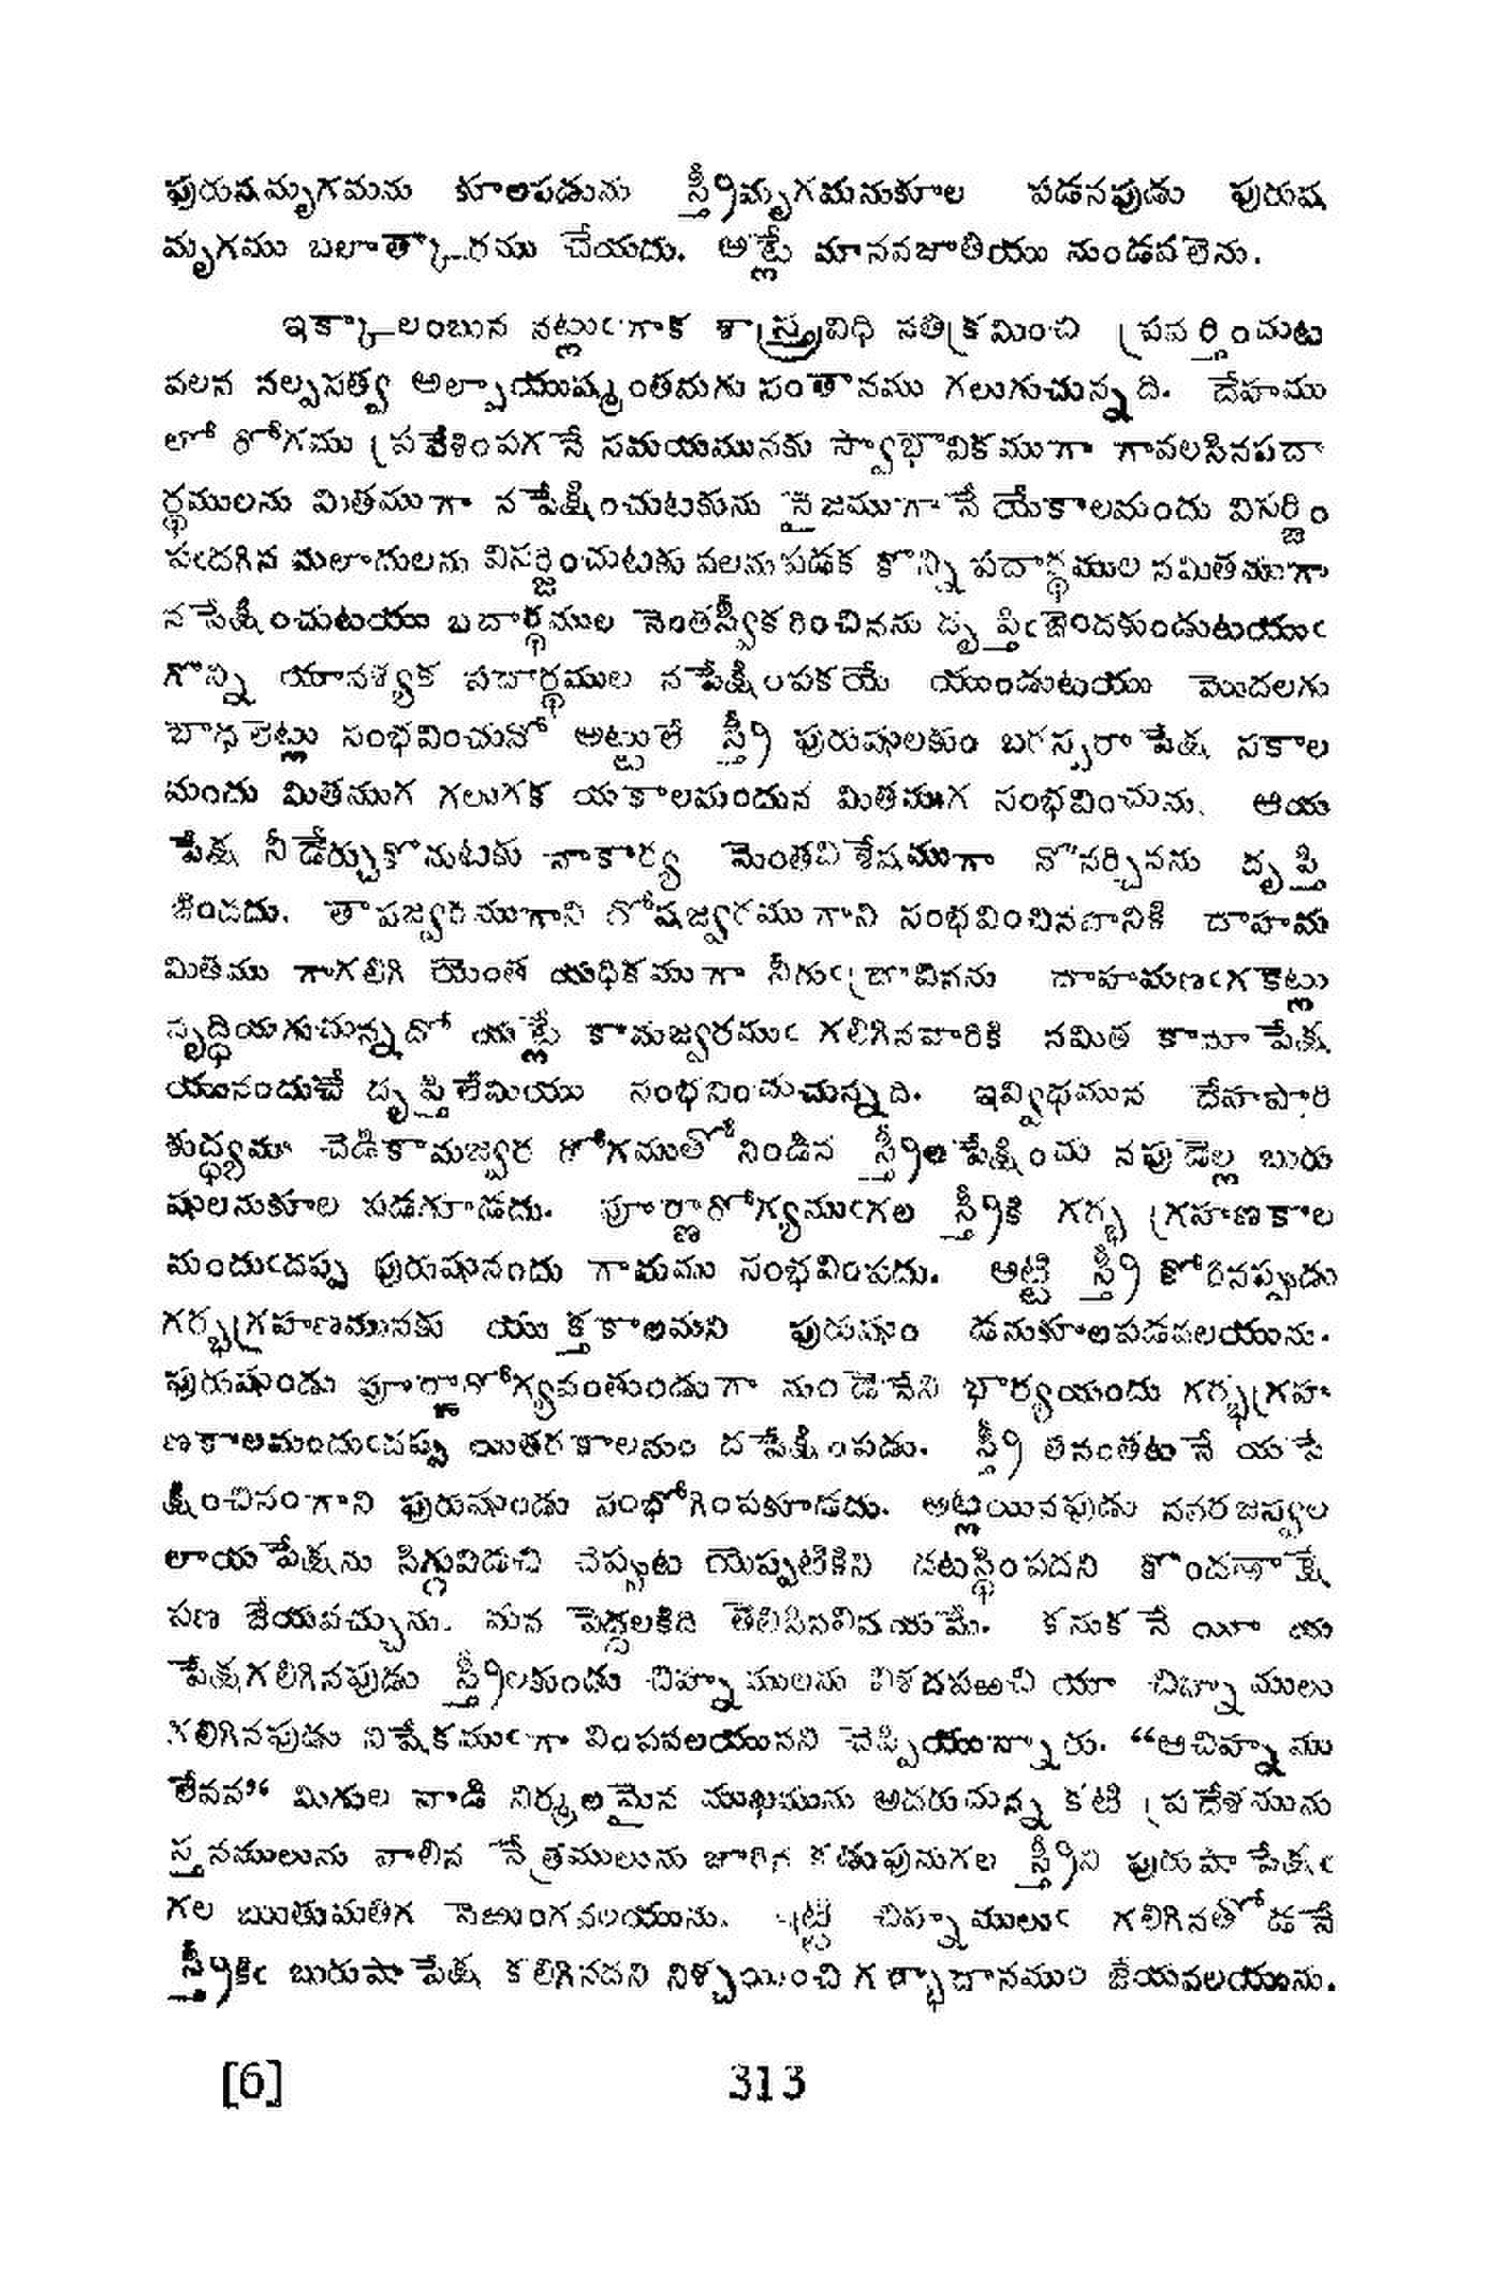పురుషమృగమును కూలపడును స్త్రీమృగమనుకూల పడనపుడు పురుష మృగము బలాత్కారము చేయదు. అట్లే మానవజాతియు నుండవలెను.

 ఇక్కాలంబున నట్లుగాక శాస్త్రవిధి నతిక్రమించి ప్రవర్తించుటవలన నల్పసత్వ అల్పాయుష్మంతమగు సంతానము గలుగుచున్నది. దేహములో రోగము ప్రవేశింపగనే సమయమునకు స్వాభావికముగా గావలసినపదార్ధములను మితముగా నపేక్షించుటకును నైజముగానే యేకాలమందు విసర్జింపదగిన మలాదులను విసర్జింఫుటకు వలనుపడక కొన్నిపదార్ధముల నమితముగా నపేక్షించుటయు బదార్ధముల నెంతస్వీకరించినను దృప్తిజెందకుండుటయు గొన్ని యవశ్వక పదార్ధముల నపేక్షింపకయే యుండుటయు మొదలగు బాధలెట్లు సంభవించునో అట్టులే స్త్రీ పురుషౌలకుం బరస్పరాపేక్ష, సకాలమందు మితముగ గలుగక యకాలమందున మితముగ సంభవించును. ఆయపేక్ష నీడేర్చు కొనుటకు నాకార్య మెంతవిశేషముగా నొనర్చినను దృప్రిజెందదు. తాపజ్వరము గాని దోషజ్వరముగాని సంభవించినవానికి దాహమమితము గాగలిగి యెంత యధికముగా నీరుద్రావినను దాహమణగనెట్లు వృద్ధియగుచున్నదో యట్లె కామ జ్వరము గలిగినవారికి నమిత కామాపేక్ష యునందుచే దృప్తిలేమియు సంభవిచు దున్నది. ఇవ్విధమున దేహపారిశుద్ధ్యము చెడికామజ్వర రోగంతో నిండిన స్త్రీలపేక్షించు నపుడెల్ల బురుషులనుకూల పడగూడరు. పూర్ణారోగ్య ముగల స్త్రీకి గర్భ గ్రహణకాలమందుదప్ప పురుషుడు గామము సంబవింపదు. అట్టి స్త్రీ కొరి నప్పుడు గర్భగ్రహణమునకు యుక్తకాలమని పురుషుం డనుకూలపడ వలయును. పురుషుండు పూర్ణారోగ్యవంతుండుగా నుండెనేని భార్యయందు గర్భ గ్రహణకాలమందుదప్ప యితరకాలమం దపేక్షింపడు. స్త్రీ తనంతటనే యెపేక్షించి నంగాని పురుషుడు సంభోగింప కూడరు. అట్లయి నపుడు ననరజస్వలలాపేక్షను సిగ్గువిడచి చెప్పుట యెప్పటికిని దటస్థింపదని కొందఱాక్షేపణ జేయవచ్చును. మన పేద్దలకిది తెలిసినవిషయమే. కనుకనే యీ యపేక్షగలిగినపుడు స్త్రీలకుండు చిహ్నములను విశదపఱచి యా చిహ్నములు గలిగినపుడు నిషేకముగా నింపవలయునని చెప్పియున్నారు "ఆచిహ్నములేవన" మిగుల వాడి నిర్మలమైన ముఖమున అదరుచున్నకటి ప్రదేశమును స్తనములును వాలిన నేత్రములును జారిన కడుపునుగల స్త్రీని పురుషాపేక్షగల ఋతుమతిగ నెఱుంగవలయును. ఇట్టి చిహ్నములు గలిగినతోడనే స్త్రీకి బుఋషాపేక్ష కలిగినదని నిశ్చయించి గర్భాధానముం జేయవలయును.